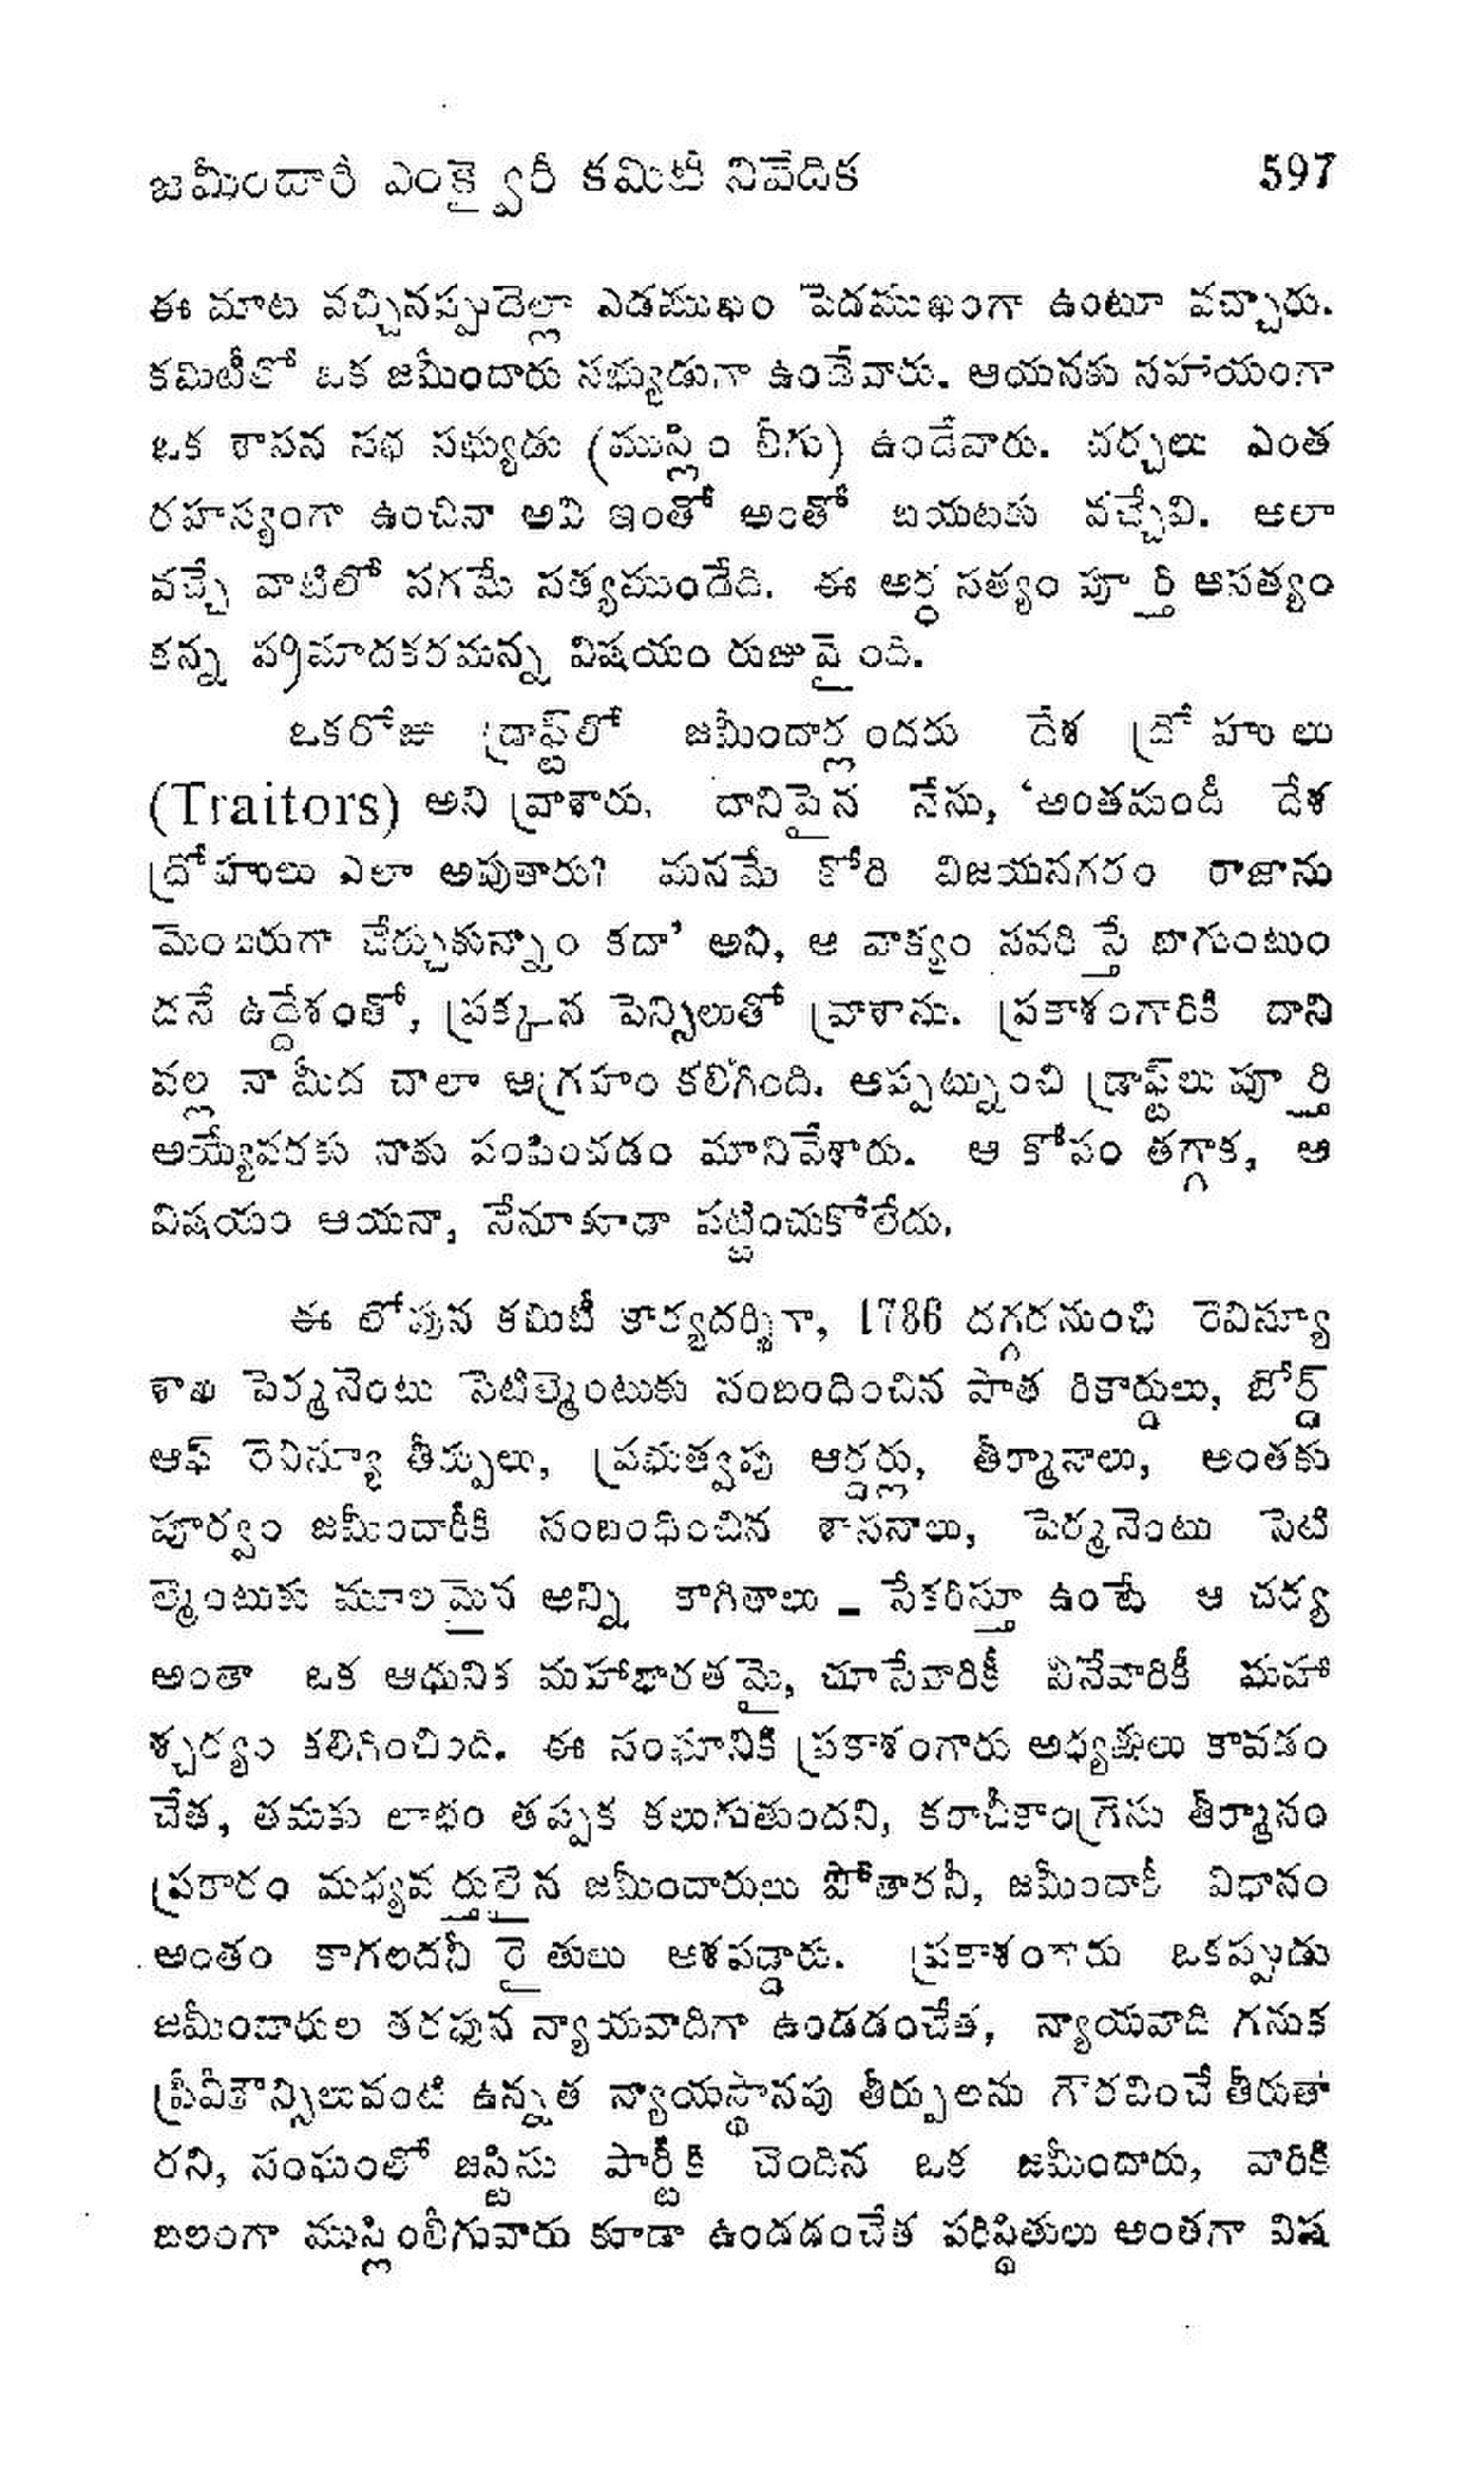ఈ మాట వచ్చినప్పుడెల్లా ఎడముఖం పెడముఖంగా ఉంటూ వచ్చారు. కమిటీలో ఒక జమీందారు సభ్యుడుగా ఉండేవారు. ఆయనకు సహాయంగా ఒక శాసన సభ సభ్యుడు (ముస్లిం లీగు) ఉండేవారు. చర్చలు ఎంత రహస్యంగా ఉంచినా అవి ఇంతో అంతో బయటకు వచ్చేవి. అలా వచ్చే వాటిలో సగమే సత్యముండేది. ఈ అర్ధ సత్యం పూర్తి అసత్యంకన్న ప్రమాదకరమన్న విషయం రుజువైంది.

ఒకరోజు డ్రాప్ట్‌లో జమీందార్లందరు దేశ ద్రోహులు (Traitors) అని వ్రాశారు. దానిపైన నేను, 'అంతమందీ దేశ ద్రోహులు ఎలా అవుతారు? మనమే కోరి విజయనగరం రాజాను మెంబరుగా చేర్చుకున్నాం కదా' అని, ఆ వాక్యం సవరిస్తే బాగుంటుందనే ఉద్దేశంతో, ప్రక్కన పెన్సిలుతో వ్రాశాను. ప్రకాశంగారికి దాని వల్ల నా మీద చాలా ఆగ్రహం కలిగింది. అప్పట్నుంచి డ్రాప్ట్‌లు పూర్తి అయ్యేవరకు నాకు పంపించడం మానివేశారు. ఆ కోపం తగ్గాక, ఆ విషయం ఆయనా, నేనుకూడా పట్టించుకోలేదు.

ఈ లోపున కమిటీ కార్యదర్శిగా, 1786 దగ్గరనుంచి రెవిన్యూ శాఖ పెర్మనెంటు సెటిల్మెంటుకు సంబంధించిన పాత రికార్డులు, బోర్డ్ ఆఫ్ రెవిన్యూ తీర్పులు, ప్రభుత్వపు ఆర్డర్లు, తీర్మానాలు, అంతకు పూర్వం జమీందారీకి సంబంధించిన శాసనాలు, పెర్మనెంటు సెటిల్మెంటుకు మూలమైన అన్ని కాగితాలు - సేకరిస్తూ ఉంటే ఆ చర్య అంతా ఒక ఆధునిక మహాభారతమై, చూసేవారికీ వినేవారికీ మహాశ్చర్యం కలిగించింది. ఈ సంఘానికి ప్రకాశంగారు అధ్యక్షులు కావడంచేత, తమకు లాభం తప్పక కలుగుతుందని, కరాచీకాంగ్రెసు తీర్మానం ప్రకారం మధ్యవర్తులైన జమీందారులు పోతారనీ, జమీందారీ విధానం అంతం కాగలదనీ రైతులు ఆశపడ్డారు. ప్రకాశంగారు ఒకప్పుడు జమీందారుల తరపున న్యాయవాదిగా ఉండడంచేత, న్యాయవాది గనుక ప్రీవీకౌన్సిలువంటి ఉన్నత న్యాయస్థానపు తీర్పులను గౌరవించే తీరుతారని, సంఘంలో జస్టిసు పార్టీకి చెందిన ఒక జమీందారు, వారికి బలంగా ముస్లింలీగువారు కూడా ఉండడంచేత పరిస్థితులు అంతగా విష